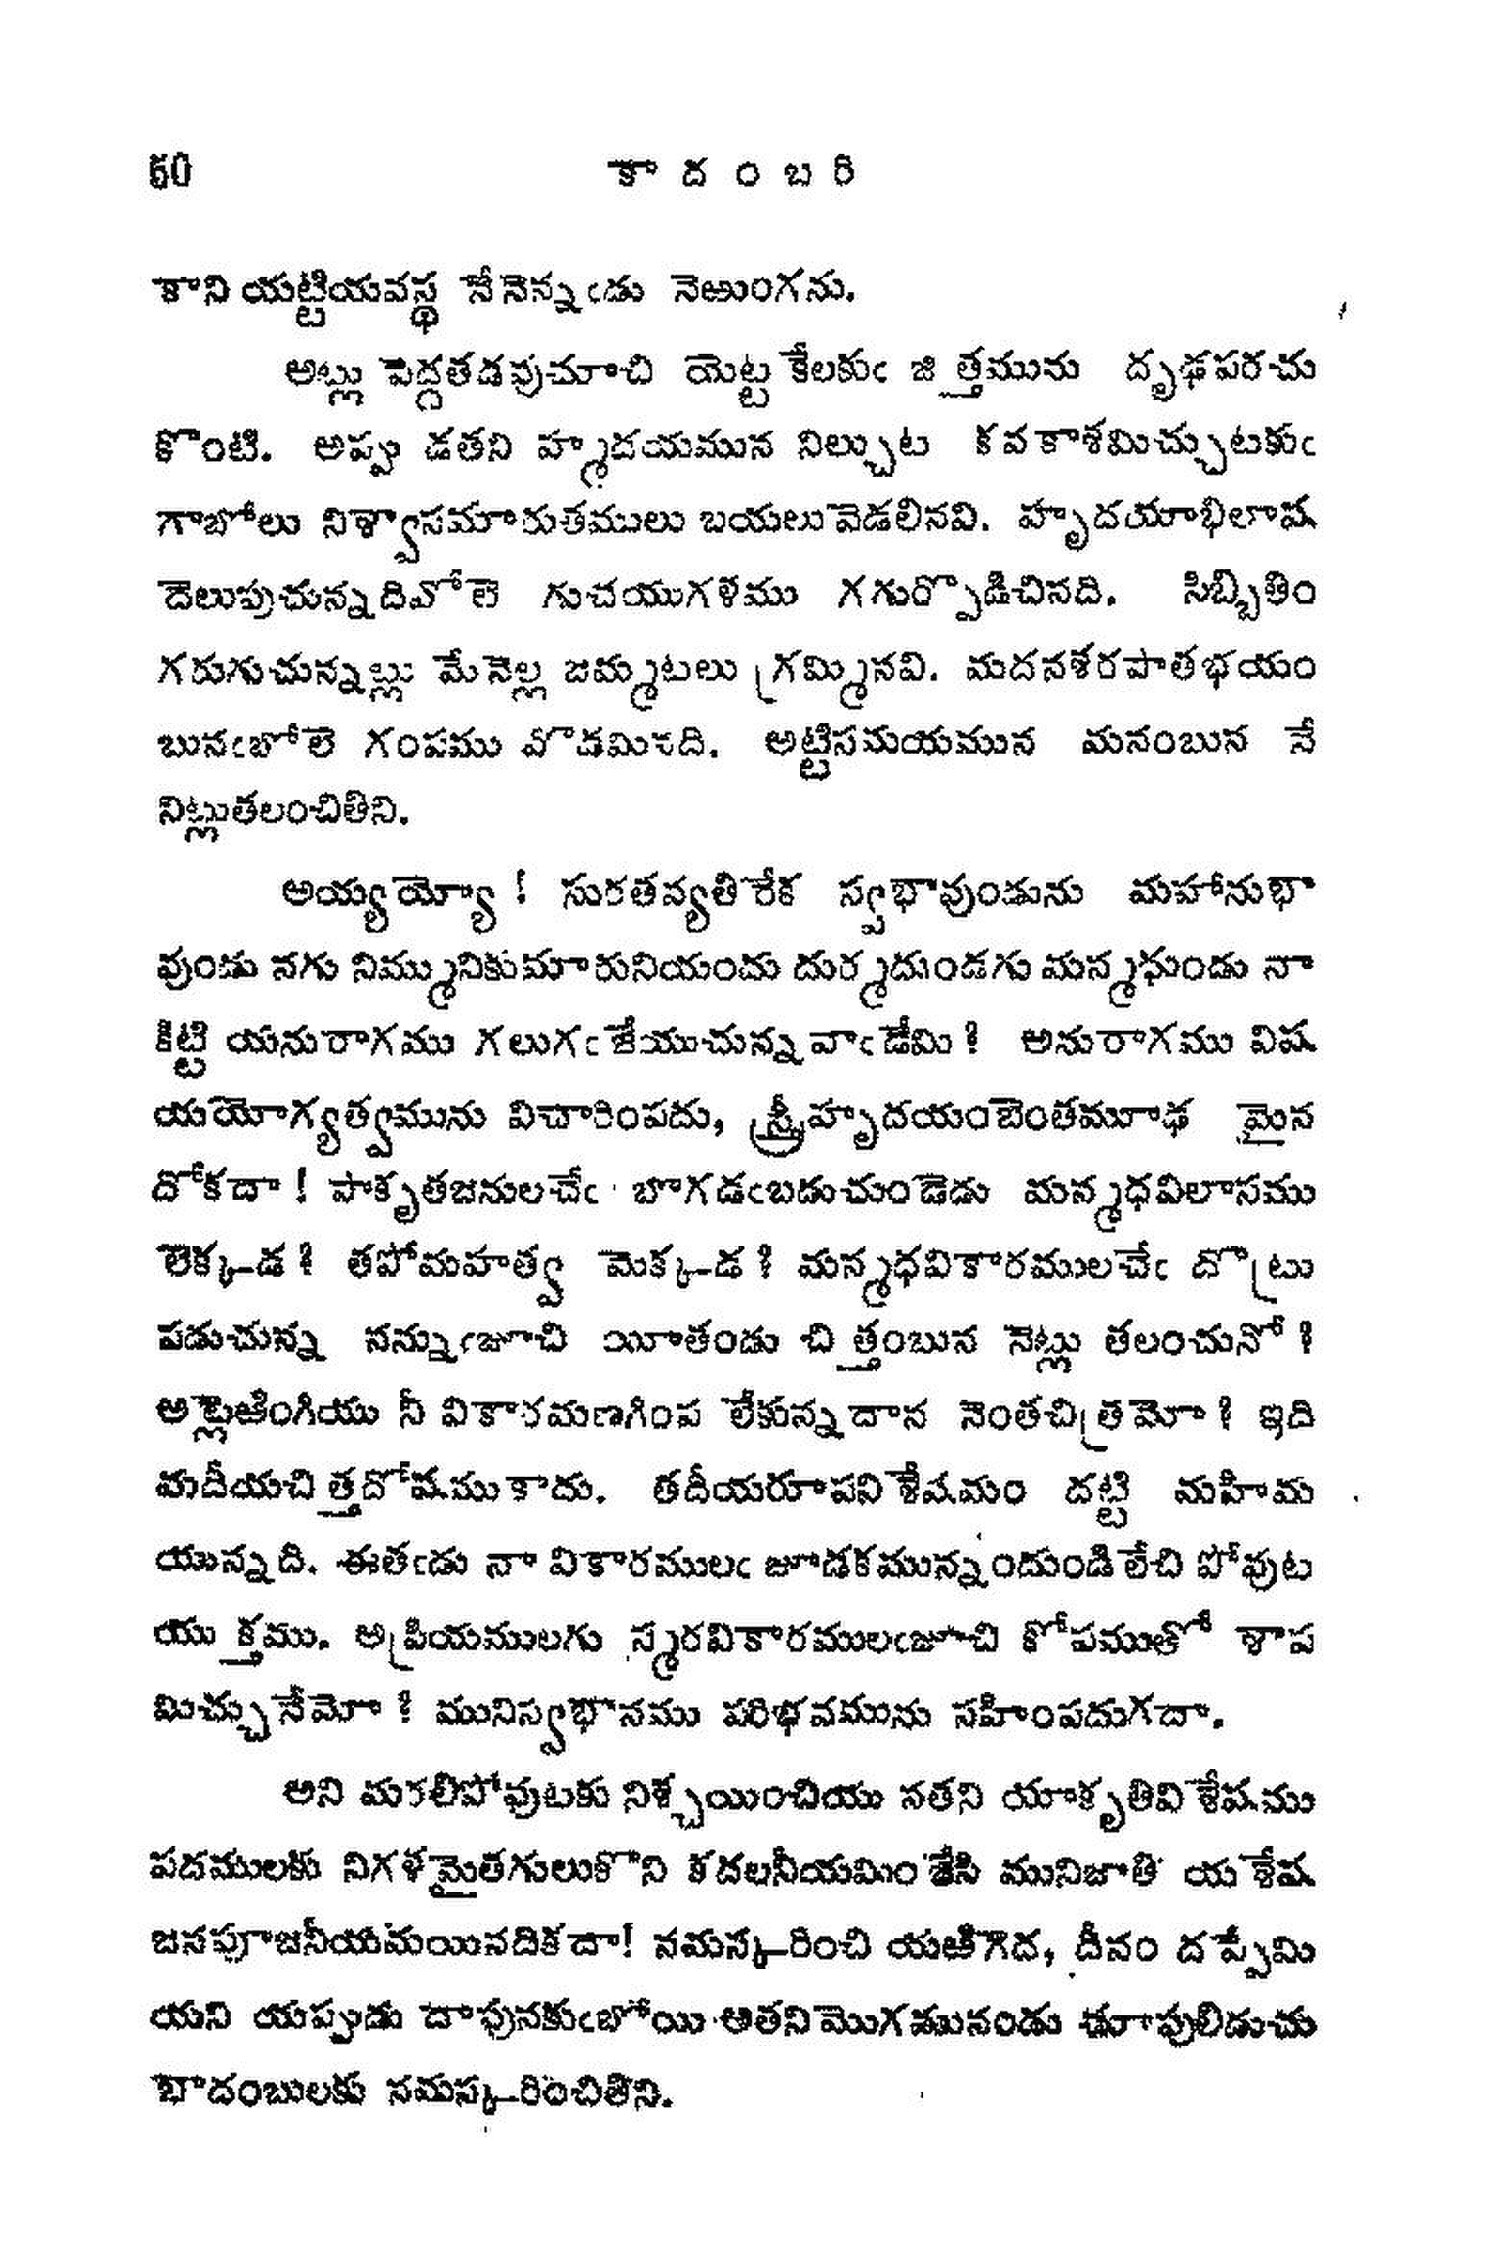కాని యట్టియవస్థ నేనెన్నఁడు నెఱుంగను.

అట్లు పెద్దతడవుచూచి యెట్ట కేలకుఁ జిత్తమును దృఢపరచుకొంటి. అప్పు డతని హృదయమున నిల్చుట కవకాశమిచ్చుటకుఁ గాబోలు నిశ్వాసమారుతములు బయలువెడలినవి. హృదయాభిలాష దెలుపుచున్నదివోలె గుచయగళము గగుర్పొడిచినది. సిబ్బితిం గరుగుచున్నట్లు మేనెల్ల జమ్మటలు గ్రమ్మినవి. మదనశరపాతభయంబునఁ బోలె గంపము వొడమినది. అట్టిసమయమున మనంబున నే నిట్లుతలంచితిని.

అయ్యయ్యో! సురతవ్యతిరేక స్వభావుండును మహానుభావుండు నగు నిమ్మునికుమారునియందు దుర్మదుండగు మన్మధుండు నా కిట్టి యనురాగము గలుగఁజేయుచున్నవాఁడేమి? అనురాగము విషయయోగ్యత్వమును విచారింపదు, స్త్రీహృదయంబెంతమూఢ మైనదోకదా! పాకృతజనులచేఁ బొగడఁబడుచుండెడు మన్మధవిలాసము లెక్కడ? తపోమహత్వ మెక్కడ? మన్మధవికారములచేఁ దొట్రుపడుచున్న నన్నుఁజూచి యీతండు చిత్తంబున నెట్లు తలంచునో? అట్లెఱింగియు నీ వికారమణగింప లేకున్నదాన నెంతచిత్రమో? ఇది మదీయచిత్తదోషముకాదు. తదీయరూపవిశేషమం దిట్టి మహిమ యున్నది. ఈతఁడు నా వికారములఁ జూడకమున్నందుండిలేచి పోవుట యుక్తము. అప్రియములగు స్మరవికారములఁ జూచి కోపముతో శాపమిచ్చునేమో? మునిస్వభావము పరిభవమును సహింపదుగదా.

అని మరలిపోవుటకు నిశ్చయించియు నతని యాకృతివిశేషము పదములకు నిగళమైతగులుకొని కదలనీయమిం జేసి మునిజాతి యశేష జనపూజనీయమయినదికదా! నమస్కరించి యఱిగెద, దీనం దప్పేమి యని యప్పుడు దాపునకుఁబోయి అతనిమొగమునందు చూపులిడుచు బాదంబులకు నమస్కరించితిని.